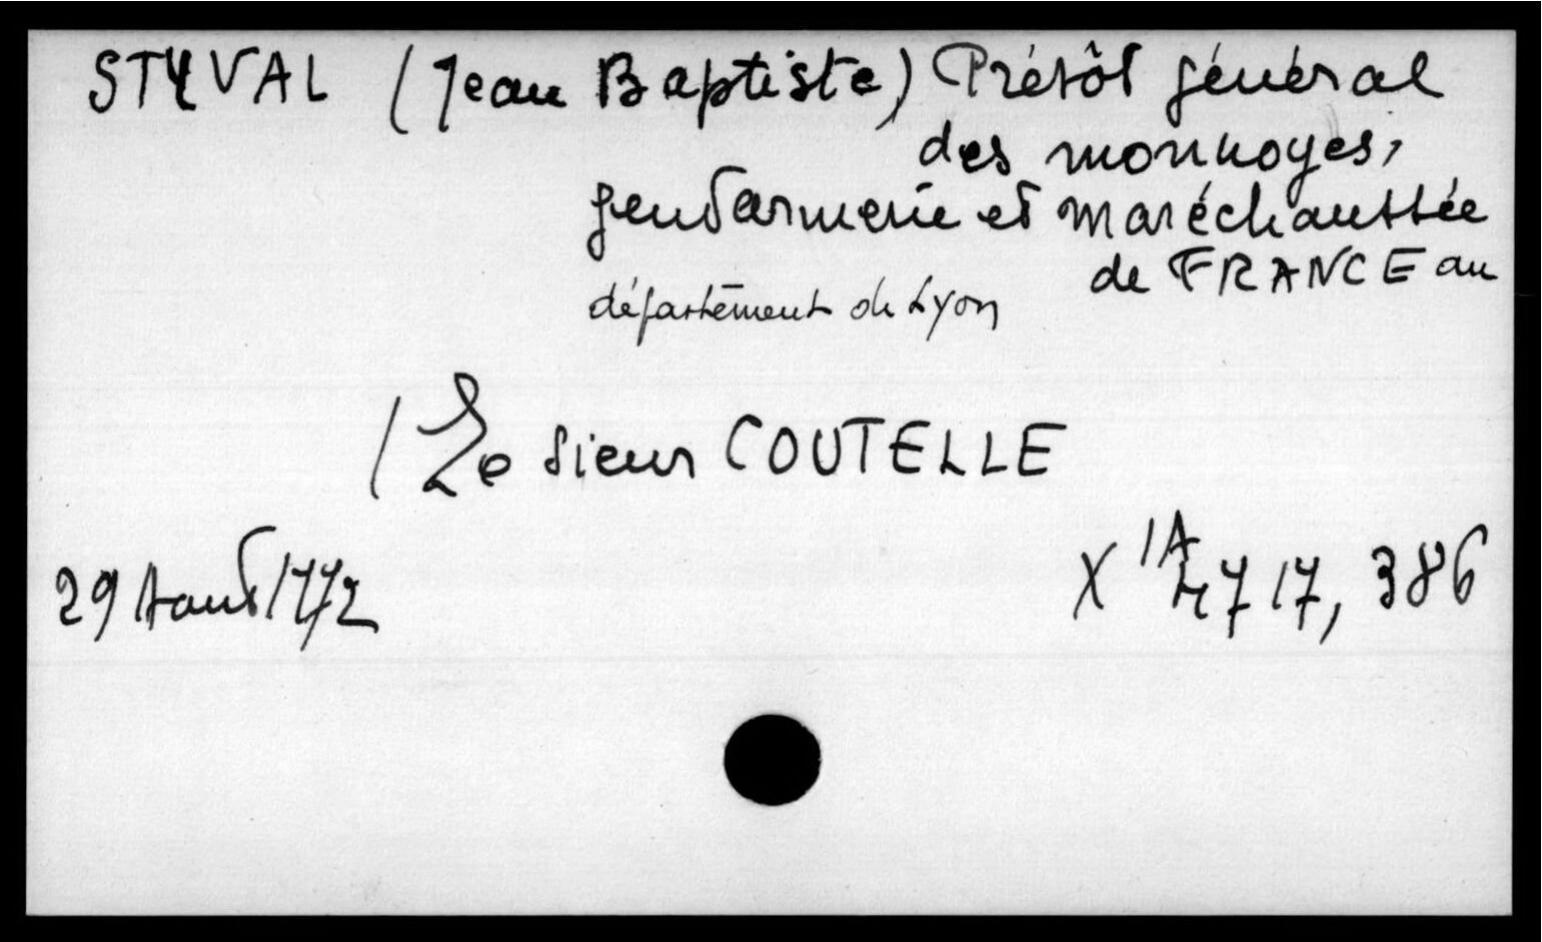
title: STYVAL (Jean Baptiste) Prévôt Général des monnoyes, gendarmerie et maréchaussée de France au département de Lyon
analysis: Contre le sieur COUTELLE
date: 29 août 1772
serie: X1A
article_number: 4717
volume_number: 386
